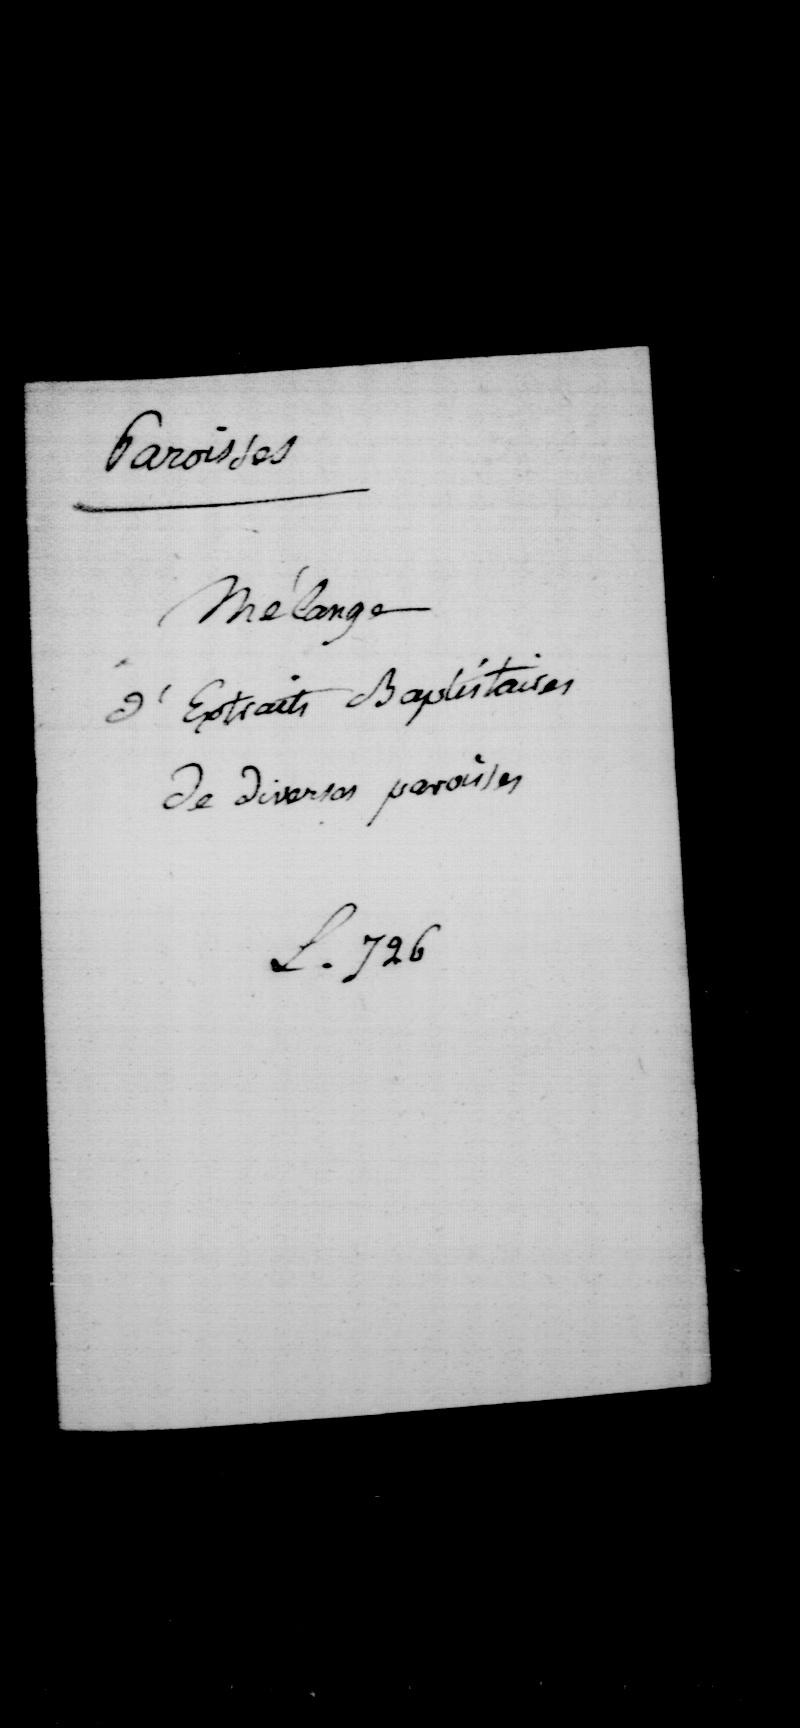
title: Paroisses
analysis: Mélanges d'Extraits Baptistaires de diverses paroisses
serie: L
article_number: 726
